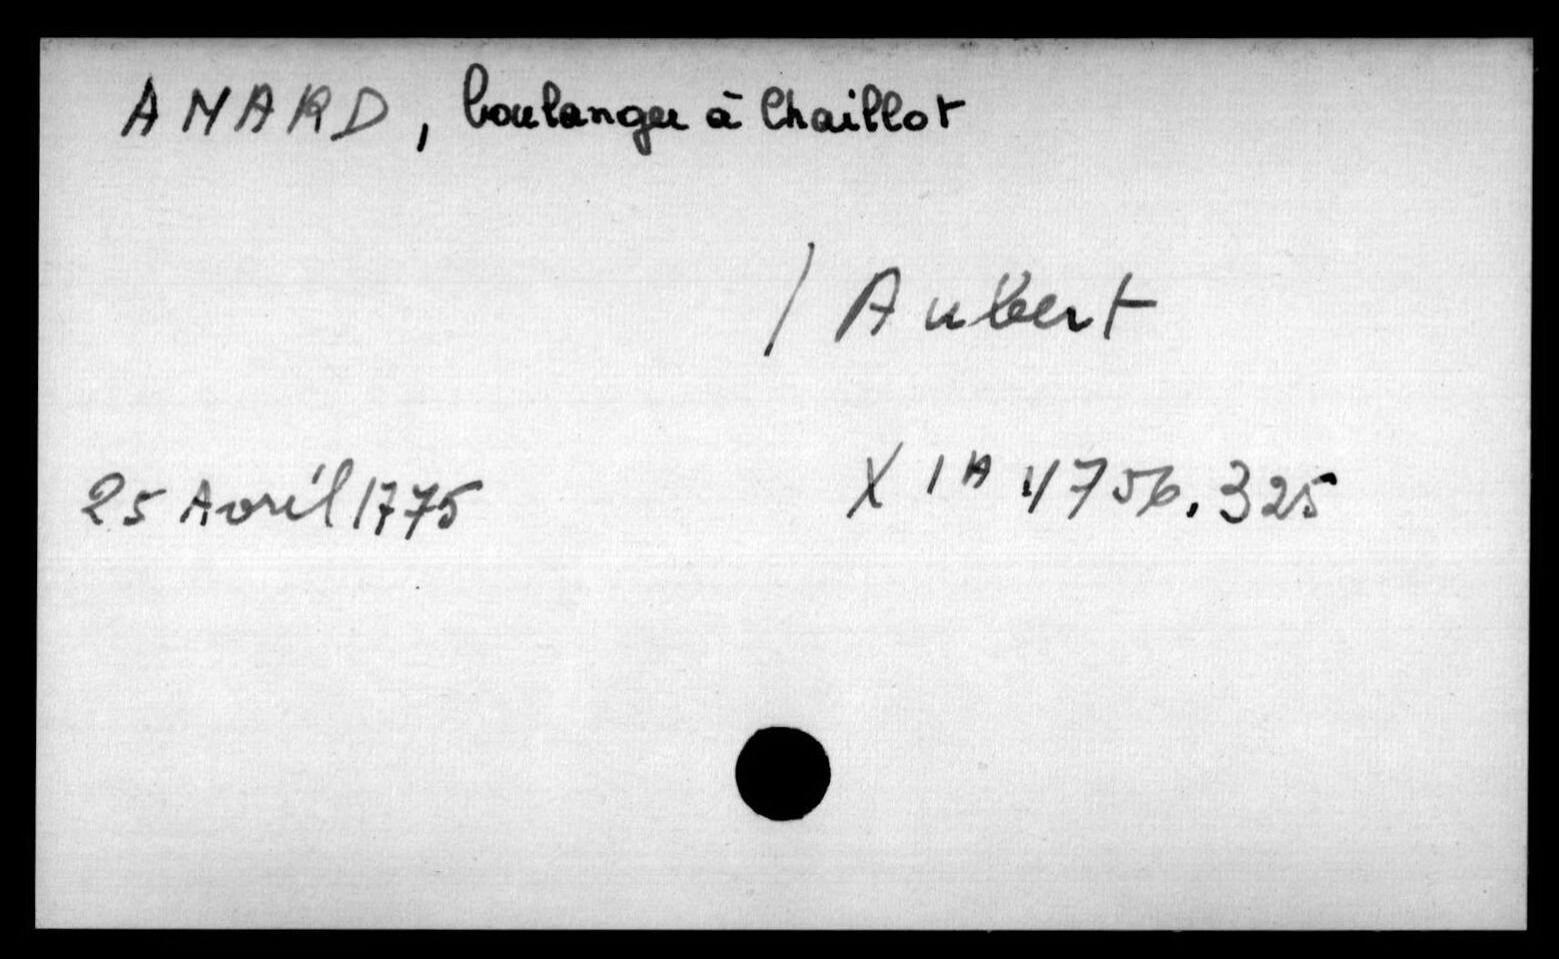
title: AMARD, boulanger à Chaillot
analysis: Contre Aubert
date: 25 avril 1775
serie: X1A
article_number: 4756
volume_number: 325
